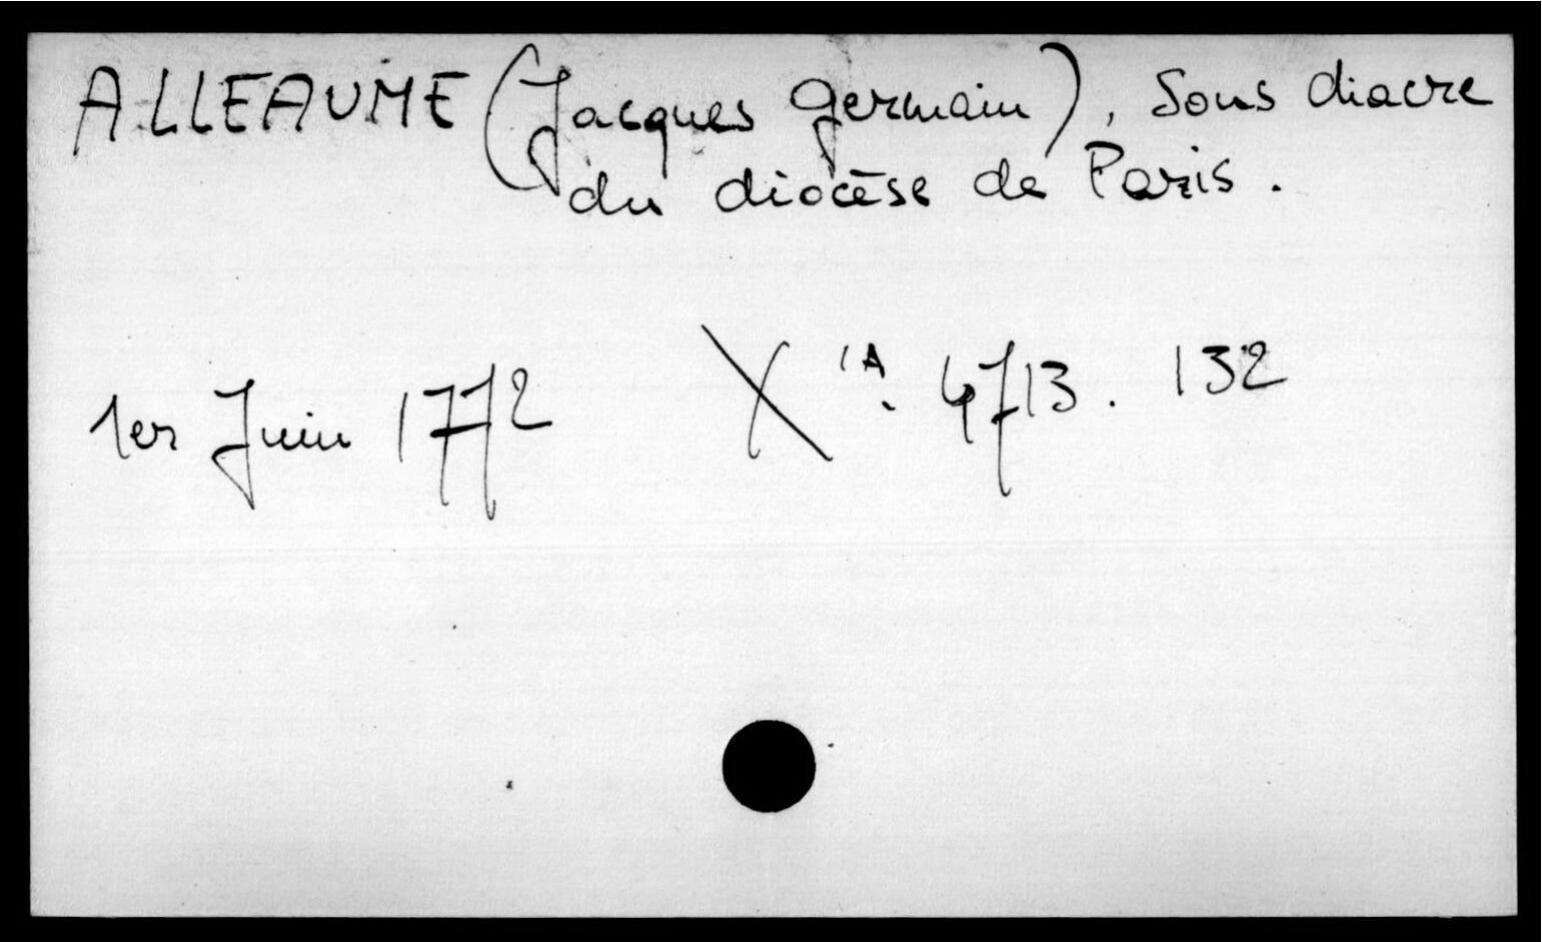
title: ALLEAUME (Jacques Germain), sous diacre du diocèse de Paris.
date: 1 juin 1772
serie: X1A
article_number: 4713
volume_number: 132
